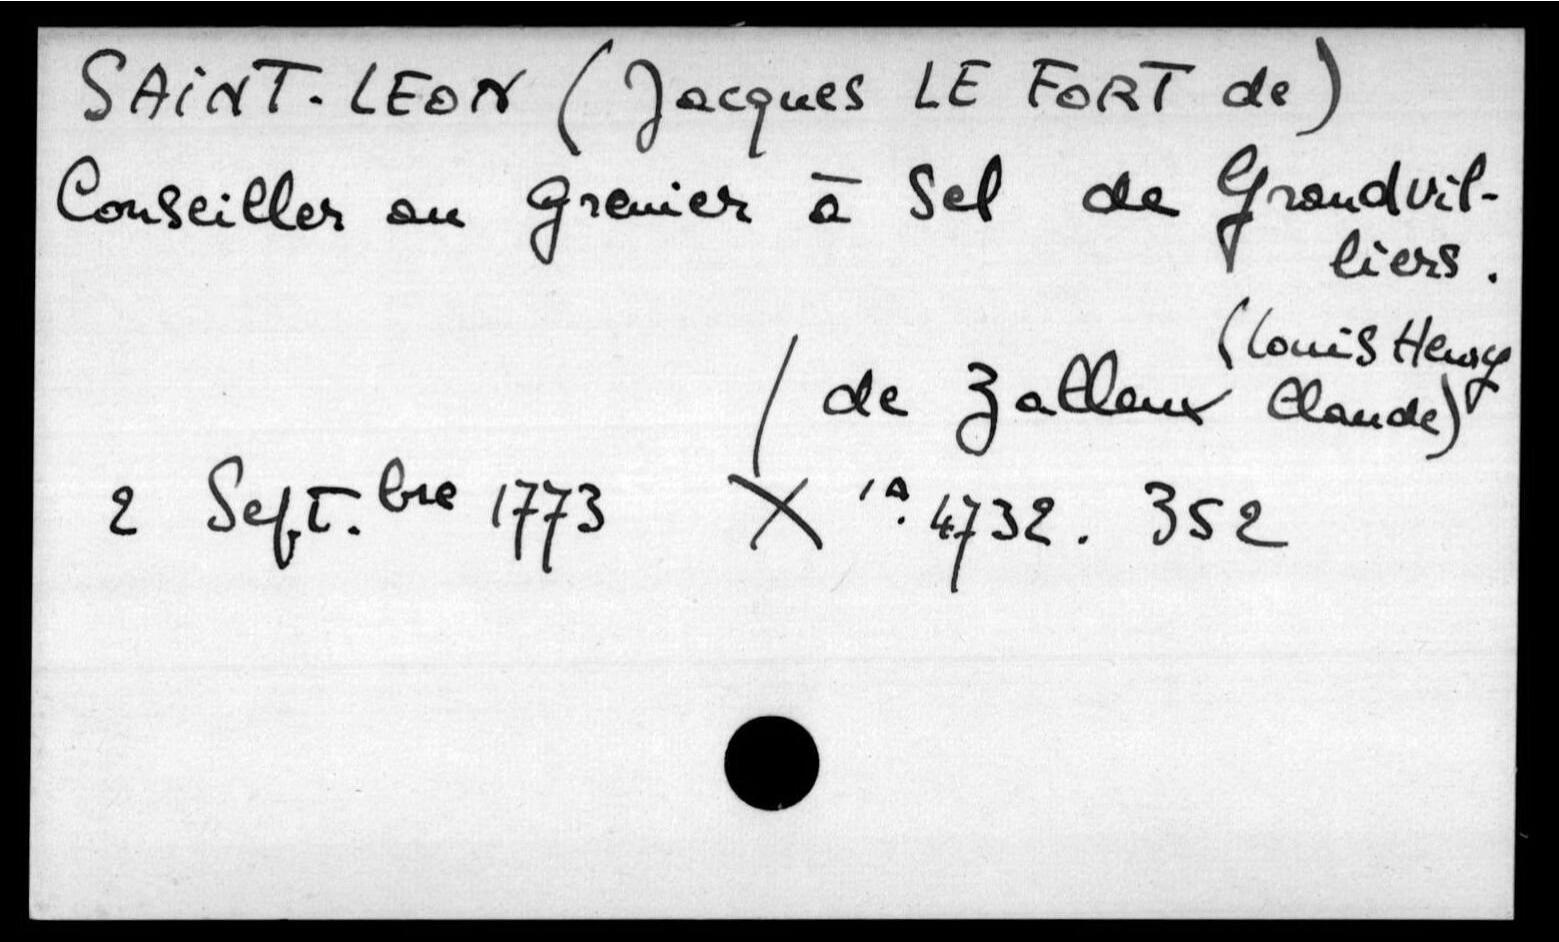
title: SAINT-LÉON (Jacques LE FORT de) Conseiller au Grenier à sel de Grandvilliers.
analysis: Contre de Galleux (Louis Henry Claude)
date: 2 septembre 1773
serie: X1A
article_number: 4732
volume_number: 352
